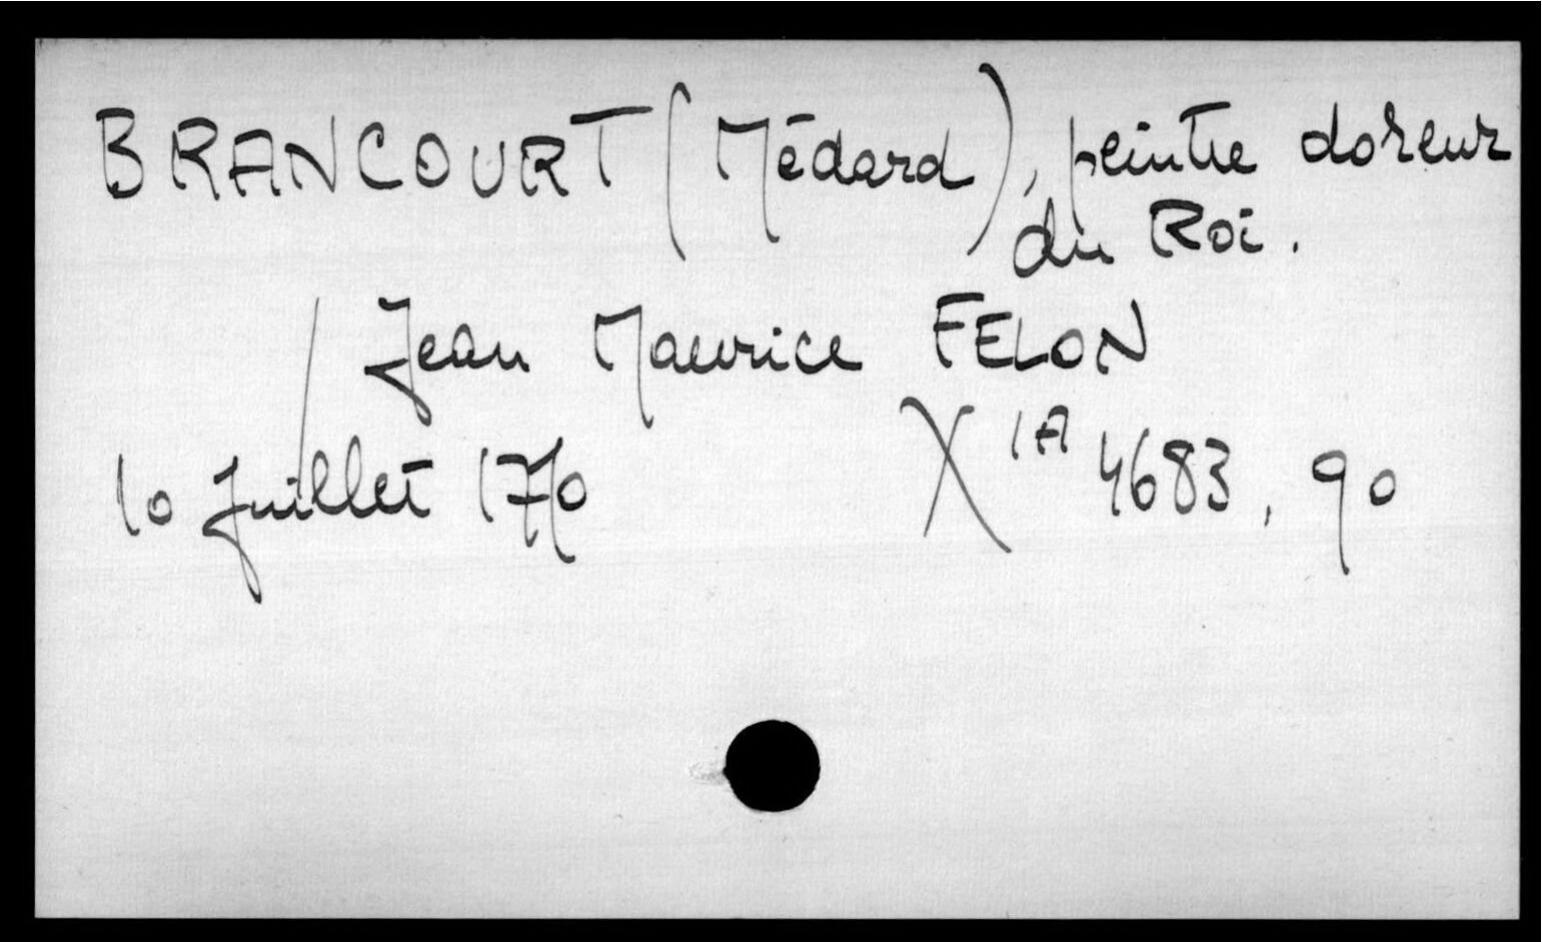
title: BRANCOURT (Médard), peintre doreur du Roi
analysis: Contre Jean Maurice FELON
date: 10 juillet 1770
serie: X1A
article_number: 4683
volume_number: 90
